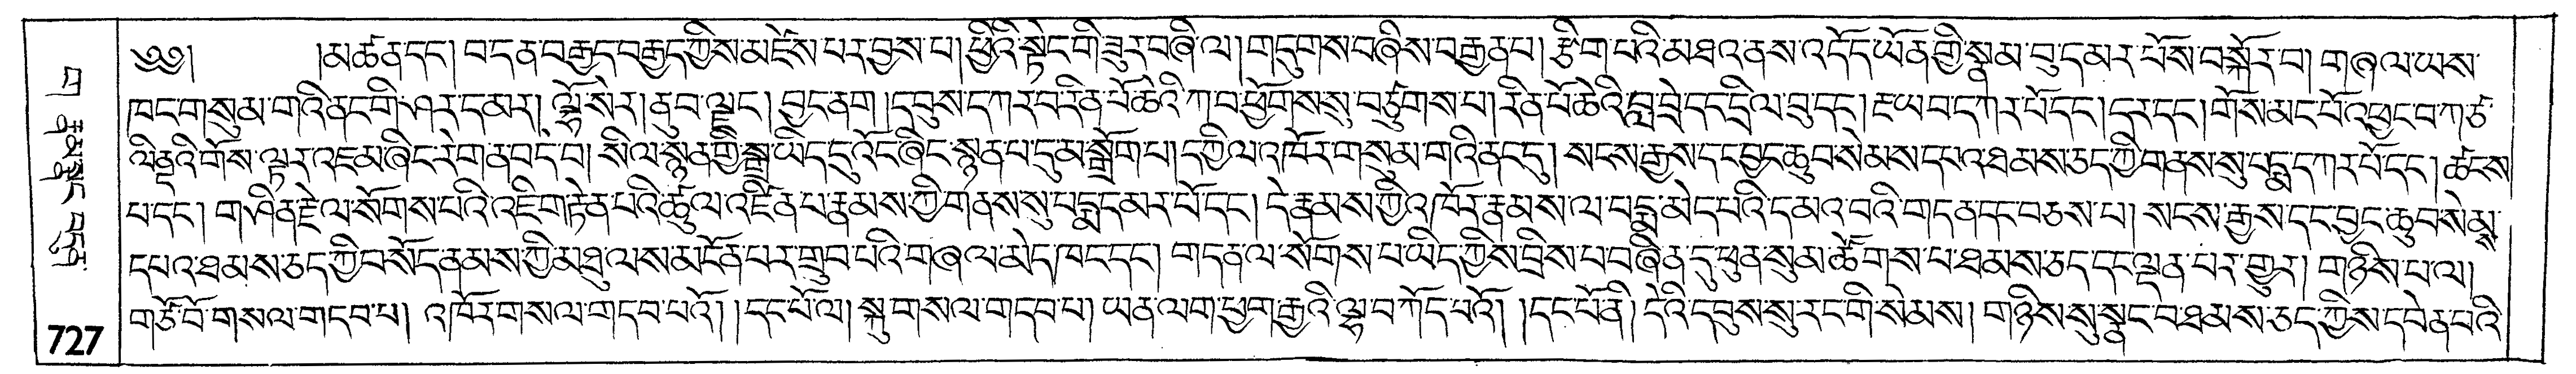༄༅། །མཚན་དང་། བ་དན་བརྒྱད་བརྒྱད་ཀྱིས་མཛེས་པར་བྱས་པ། ཕྱིའི་སྟེང་གི་ཟུར་བཞི་ལ། གདུགས་བཞིས་བརྒྱན་པ། རྩིག་པའི་མཐའ་ནས་འདོད་ཡོན་གྱི་སྣམ་བུ་དམར་པོས་བསྐོར་བ། གཞལ་ཡས་
ཁང་གསུམ་གའི་ནང་གི་ཤར་དམར། ལྷོ་སེར། ནུབ་ལྗང་། བྱང་ནག །དབུས་དཀར་བ་རིན་པོ་ཆེའི་ཀ་བ་ཕྱོགས་སུ་བཙུགས་པ། རིན་པོ་ཆེའི་བླ་བྲེ་དང་དྲིལ་བུ་དང་། རྔ་ཡབ་དཀར་པོ་དང་། དར་དང་། གོས་མང་པོ་འཕྱང་བ་ཀ་ཙ་
ལིནྡའི་གོས་ལྟར་འཇམ་ཞིང་རེག་ན་བདེ་བ། སིལ་སྙན་གྱི་སྒྲ་ཡིད་དུ་འོང་ཞིང་སྙན་པ་དུ་མ་སྒྲོག་པ། དཀྱིལ་འཁོར་གསུམ་གའི་ནང་དུ། སངས་རྒྱས་དང་བྱང་ཆུབ་སེམས་དཔའ་ཐམས་ཅད་ཀྱི་གནས་སུ་པདམ་དཀར་པོ་དང་། ཚངས་
པ་དང་། གཤིན་རྗེ་ལ་སོགས་པའི་འཇིག་རྟེན་པའི་ཚུལ་འཛིན་པ་རྣམས་ཀྱི་གནས་སུ་པདམ་དམར་པོ་དང་། དེ་རྣམས་ཀྱི་འཁོར་རྣམས་ལ་པདམ་མེད་པའི་དམའ་བའི་གདན་དང་བཅས་པ། སངས་རྒྱས་དང་བྱང་ཆུབ་སེམས་
དཔའ་ཐམས་ཅད་ཀྱི་བསོད་ནམས་ཀྱི་མཐུ་ལས་མངོན་པར་གྲུབ་པའི་གཞལ་མེད་ཁང་དང་། གདན་ལ་སོགས་པ་ཡིད་ཀྱིས་བྲིས་པ་བཞིན་དུ་ཕུན་སུམ་ཚོགས་པ་ཐམས་ཅད་དང་ལྡན་པར་གྱུར། གཉིས་པ་ལ།
གཙོ་བོ་གསལ་གདབ་པ། འཁོར་གསལ་གདབ་པའོ། །དང་པོ་ལ། སྐུ་གསལ་གདབ་པ། ཡན་ལག་ཕྱག་རྒྱའི་ལྷ་བཀོད་པའོ། །དང་པོ་ནི། དེའི་དབུས་སུ་རང་གི་སེམས། གཉིས་སུ་སྣང་བ་ཐམས་ཅད་ཀྱིས་དབེན་པའི་